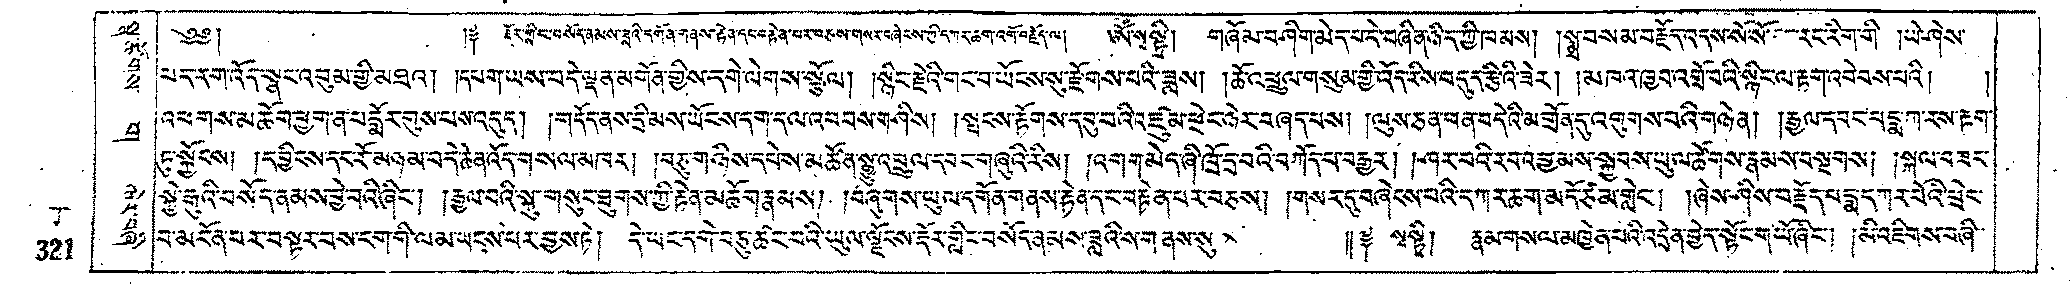༄༅། །འ་རྡོར་གླིང་བསོད་ནམས་ཟླའི་དགོན་གནས་རྟེན་དང་བརྟེན་པར་བཅས་གསར་བཞེངས་ཀྱི་དཀར་ཆག་འགོ་བརྗོད་ལ།  ཨོཾ་སྭསྟྭི། གཞོམ་བཤིག་མེད་པ་དེ་བཞིན་ཉིད་ཀྱི་ཁམས། །སྨྲ་བསམ་བརྗོད་འདས་སོ་སོ་་་རང་རིག་གི །ཡེ་ཤེས་
པད་རག་འོད་སྣང་འབུམ་གྱི་མཐའ། །དཔག་ཡས་བདེ་ལྡན་མགོན་གྱིས་དགེ་ལེགས་སྩོལ། །སྙིང་རྗེའི་གང་བ་ཡོངས་སུ་རྫོགས་པའི་ཟླས། །ཆོ་འཕྲུལ་གསུམ་གྱི་འོད་རིས་བདུད་རྩིའི་ཟེར། །མཁའ་ཁྱབ་འགྲོ་བའི་སྙིང་ལ་རྟག་འབེབས་པའི། །
འཕགས་མཆོག་ཕྱག་ན་པདམོར་གུས་པས་འདུད། །གདོད་ནས་དྲི་མས་ཡོངས་དག་དལ་འབབས་གཤིས། །སྤངས་རྟོགས་དབུ་བའི་འཛུམ་ཕྲེང་ཉེར་བཞད་པས། །ལུས་ཅན་ཕན་བདེའི་མགྲོན་དུ་འགུགས་པའི་གཉེན། །རྒྱལ་དབང་པདམ་ཀ་རས་རྟག་
ཏུ་སྐྱོང་། །དབྱིངས་དང་རོ་མཉམ་བདེ་ཆེན་འོད་གསལ་མཁར། །བཅུ་གཉིས་དཔེས་མཚོན་སྒྱུ་འཕྲུལ་དབང་གཞུའི་རིས། །འགག་མེད་ཞི་ཁྲོ་དྲ་བའི་བཀོད་པ་བརྒྱར། །ཤར་བའི་རབ་འབྱམས་སྐྱབས་ཡུལ་ཚོགས་རྣམས་བསྔགས། །སྐལ་བཟང་
སྐྱེ་རྒུའི་བསོད་ནམས་བྱེ་བའི་ཞིང་། །རྒྱལ་བའི་སྐུ་གསུང་ཐུགས་ཀྱི་རྟེན་མཆོག་རྣམས། །བཞུགས་ཡུལ་དགོན་གནས་རྟེན་དང་བརྟེན་པར་བཅས། །གསར་དུ་བཞེངས་པའི་དཀར་ཆག་མདོ་ཙམ་གླེང་། །ཞེས་ཤིས་བརྗོད་པདམ་དཀར་པོའི་ཕྲེང་
བ་མངོན་པར་བསྟར་བས་ངག་གི་ལམ་ཡངས་པར་བྱས་ཏེ། དེ་ཡང་དགེ་བཅུ་ཚང་བའི་ཡུལ་ལྗོངས་རྡོར་གླིང་བསོད་ནམས་ཟླའི་ས་གནས་སུ་྾་།།འ་སྭསྟྭི། རྣམ་གསལ་མཁྱེན་པའི་འདྲེན་བྱེད་སྟོང་གཡོ་ཞིང་། །མི་འཇིགས་བཞི་་་